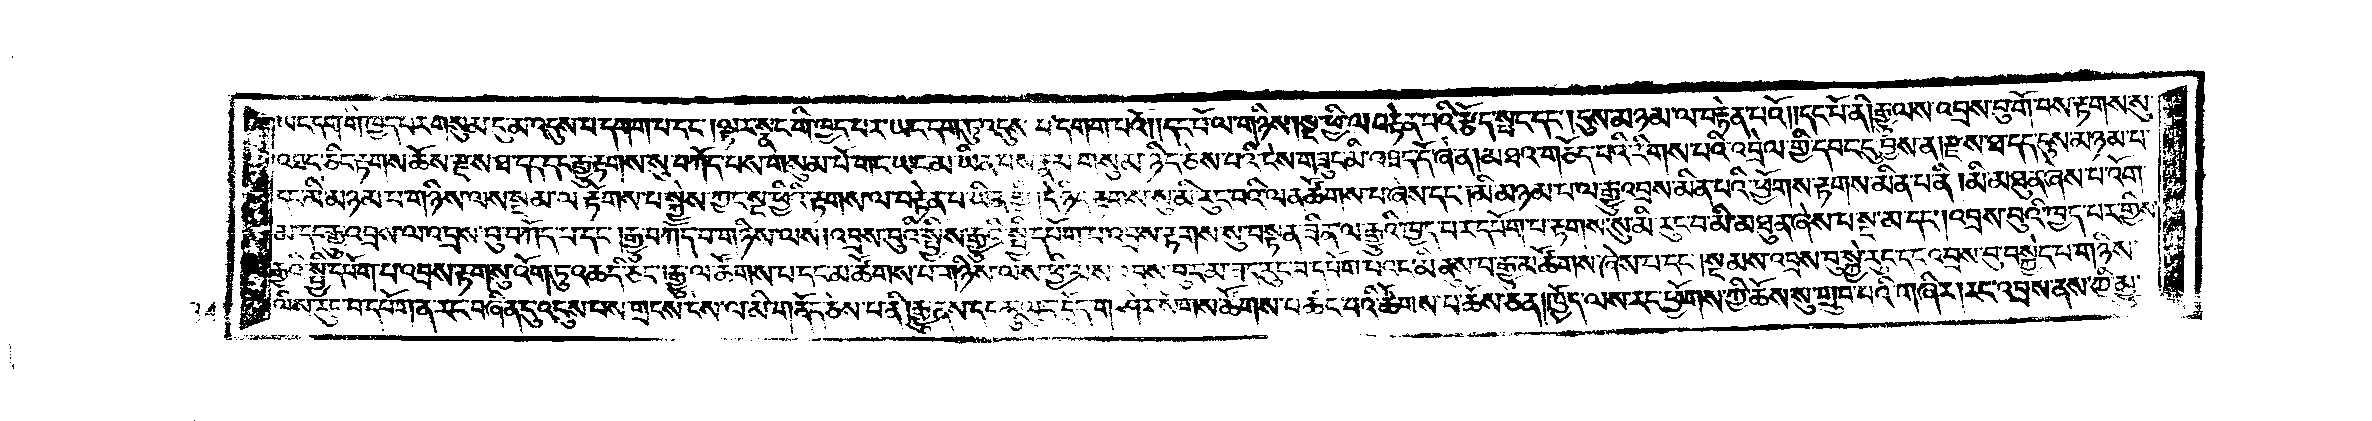ཡང་དག་གི་ཁྱད་པར་གསུམ་དུ་མ་འདུས་པ་དགག་པ་དང་། ལྟར་སྣང་གི་ཁྱད་པར་ཡང་དག་ཏུ་འདུས་པ་དགག་པའོ། །དང་པོ་ལ་གཉིས། སྔ་ཕྱི་ལ་བརྟེན་པའི་རྩོད་སྤང་དང་། དུས་མཉམ་ལ་བརྟེན་པའོ། །དང་པོ་ནི། རྒྱུ་ལས་འབྲས་བུ་གོ་བས་རྟགས་སུ་
འཐད་ཅིང་རྟགས་ཆོས་རྫས་ཐ་དད་དང་རྒྱུ་རྟགས་སུ་བཀོད་པས་གསུམ་པོ་གང་ཡང་མ་ཡིན་པས་རྣམ་གསུམ་ཉིད་ཅེས་པའི་ངེས་གཟུང་མི་འཐད་དོ་ཞེ་ན། མཐའ་གཅོད་པའི་རིགས་པའི་འབྲེལ་གྱི་དབང་དུ་བྱས་ན། རྫས་ཐ་དད་དུས་མཉམ་པ་
དང་མི་མཉམ་པ་གཉིས་ལས་སྔ་མ་ལ་རྟོགས་པ་སྐྱེས་ཀྱང་སྔ་ཕྱིའི་རྟགས་ལ་བརྟེན་པ་ཡིན་གྱི། དེ་ཉིད་རྟགས་སུ་མི་རུང་བའི་ལན་ཚོགས་པ་ཞེས་དང་། མི་མཉམ་པ་ལ་རྒྱུ་འབྲས་མིན་པའི་ཕྱོགས་རྟགས་མིན་པ་ནི། མི་མཐུན་ཞེས་པ་འོག་
མ་དང་རྒྱུ་འབྲས་ལ་འབྲས་བུ་བཀོད་པ་དང་། རྒྱུ་བཀོད་པ་གཉིས་ལས། འབྲས་བུའི་སྤྱིས་རྒྱུའི་སྤྱི་དཔོག་པ་འབྲས་རྟགས་སུ་བསྟན་ཟིན་ལ་རྒྱུའི་ཁྱད་པར་དཔོག་པ་རྟགས་སུ་མི་རུང་བ་མི་མཐུན་ཞེས་པ་སྔ་མ་དང་། འབྲས་བུའི་ཁྱད་པར་གྱིས་
རྒྱུའི་སྤྱི་དཔོག་པ་འབྲས་རྟགས་སུ་འོག་ཏུ་འཆད་ཅིང་། རྒྱུ་ལ་ཚོགས་པ་དང་མ་ཚོགས་པ་གཉིས་ལས་ཕྱི་མས་འབྲས་བུར་མ་ཟད་རུང་བ་དཔོག་པའང་མི་ནུས་པ་རྒྱུ་མ་ཚོགས་ཞེས་པ་དང་། སྔ་མས་འབྲས་བུ་སྐྱེ་རུང་དང་འབྲས་བུ་བསྐྱེད་པ་གཉིས་
ལས་རུང་བ་དཔོག་ན་རང་བཞིན་དུ་འདུས་པས་གྲངས་ངེས་ལ་མི་གནོད་ཅེས་པ་ནི། རྒྱུ་ནས་དང་ཆུ་ལུད་དྲོད་གཤེར་སོགས་ཚོགས་པ་ཚང་བའི་ཚོགས་པ་ཆོས་ཅན། ཁྱོད་ལས་རང་ཕྱོགས་ཀྱི་ཆོས་སུ་གྲུབ་པའི་གཞིར། རང་འབྲས་ནས་ཀྱི་མྱུ་